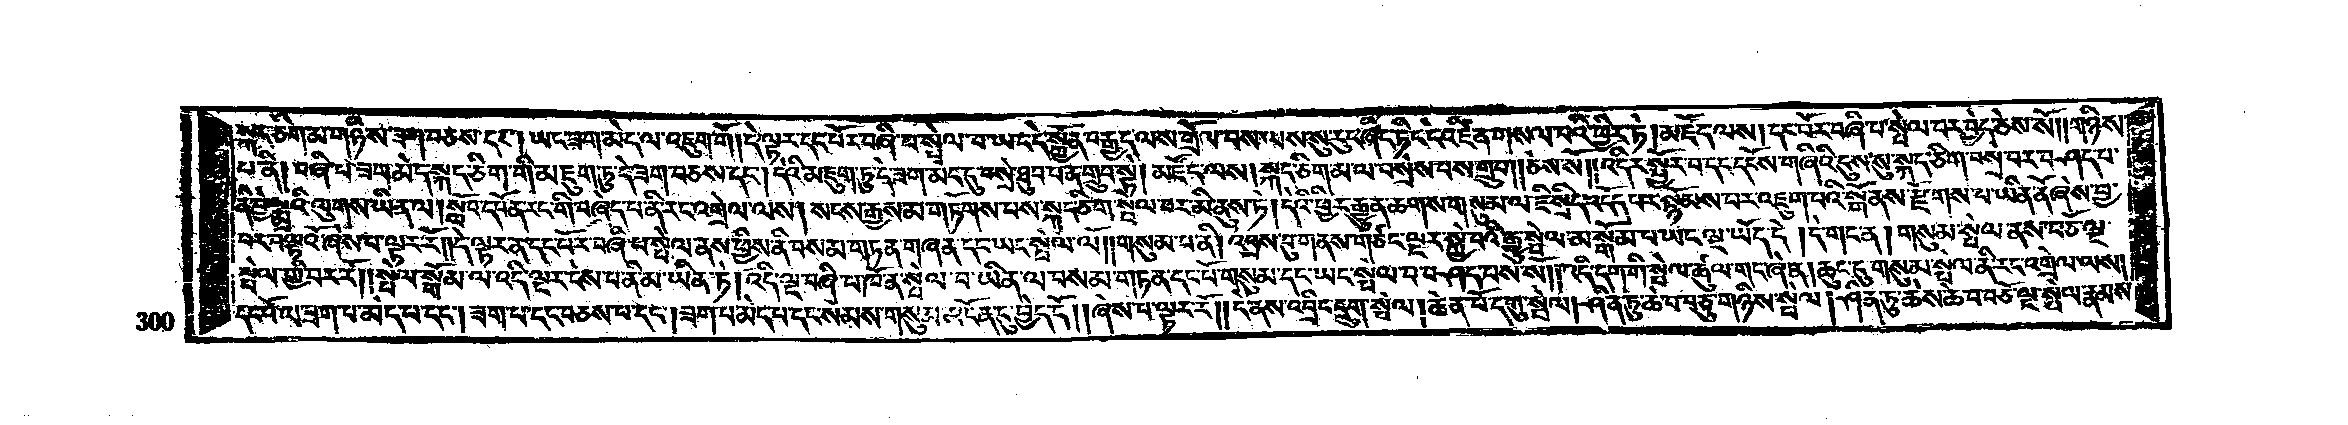སྐད་ཅིག་མ་གཉིས་ཟག་བཅས་དང་། ཡང་ཟག་མེད་ལ་འཇུག་གོ །དེ་ལྟར་དང་པོར་བཞི་པ་སྤེལ་བ་ཡང་དེ་སྐྱོན་བརྒྱད་ལས་གྲོལ་བས་ལས་སུ་རུང་ཞིང་ཏིང་ངེ་འཛིན་གསལ་བའི་ཕྱིར་ཏེ། མཛོད་ལས། དང་པོར་བཞི་པ་སྤེལ་བར་བྱེད་ཅེས་སོ། །གཉིས་
པ་ནི། བཞི་པ་ཟག་མེད་སྐད་ཅིག་གི་མཇུག་ཏུ་དེ་ཟག་བཅས་དང་། དེའི་མཇུག་ཏུ་དེ་ཟག་མེད་དུ་བསྲེ་ཐུབ་པ་ན་གྲུབ་སྟེ། མཛོད་ལས། སྐད་ཅིག་མ་ལ་བསྲེས་པས་གྲུབ། །ཅེས་སོ། །འདིར་སྦྱོར་བ་དང་དངོས་གཞིའི་དུས་སུ་སྐད་ཅིག་བསྲེ་བར་བཤད་པ་
ནི་བྱེ་སྨྲའི་ལུགས་ཡིན་ལ། སློབ་དཔོན་རང་གི་བཞེད་པ་ནི་རང་འགྲེལ་ལས། སངས་རྒྱས་མ་གཏོགས་པས་སྐད་ཅིག་སྤེལ་བར་མི་ནུས་ཏེ། དེའི་ཕྱིར་རྒྱུན་ཆགས་གསུམ་ལ་ཇི་སྲིད་འདོད་པར་སྙོམས་པར་འཇུག་པའི་སྒོ་ནས་རྫོགས་པ་ཡིན་ནོ་ཞེས་བྱ་
བར་བལྟའོ་ཞེས་པ་ལྟར་རོ། །དེ་ལྟར་ན་དང་པོར་བཞི་པ་སྤེལ་ནས་ཕྱིས་ནི་བསམ་གཏན་གཞན་དང་ཡང་སྤེལ་ལོ། །གསུམ་པ་ནི། འབྲས་བུ་གནས་གཙང་ལྔར་སྐྱེ་བའི་རྒྱུ་སྤེལ་མ་སྒོམ་པ་ཡང་ལྔ་ཡོད་དེ། དེ་གང་ན། གསུམ་སྤེལ་ནས་བཅོ་ལྔ་
སྤེལ་གྱི་བར་རོ། །སྤེལ་སྒོམ་ལ་འདི་ལྔར་ངེས་པ་ནི་མ་ཡིན་ཏེ། འདི་ལྔ་བཞི་པ་ཁོ་ན་སྤེལ་བ་ཡིན་ལ་བསམ་གཏན་དང་པོ་གསུམ་དང་ཡང་སྤེལ་བ་བཤད་པས་སོ། །འདི་དག་གི་སྤེལ་ཚུལ་གང་ཞེ་ན། ཆུང་ངུ་གསུམ་སྤེལ་ནི་རང་འགྲེལ་ལས།
དང་པོ་ལ་ཟག་པ་མེད་པ་དང་། ཟག་པ་དང་བཅས་པ་དང་། ཟག་པ་མེད་པ་དང་སེམས་གསུམ་མངོན་དུ་བྱེད་དོ། །ཞེས་པ་ལྟར་རོ། །དེ་ནས་འབྲིང་དྲུག་སྤེལ། ཆེན་པོ་དགུ་སྤེལ། ཤིན་ཏུ་ཆེ་བ་བཅུ་གཉིས་སྤེལ། ཤིན་ཏུ་ཆེས་ཆེ་བ་བཅོ་ལྔ་སྤེལ་རྣམས་